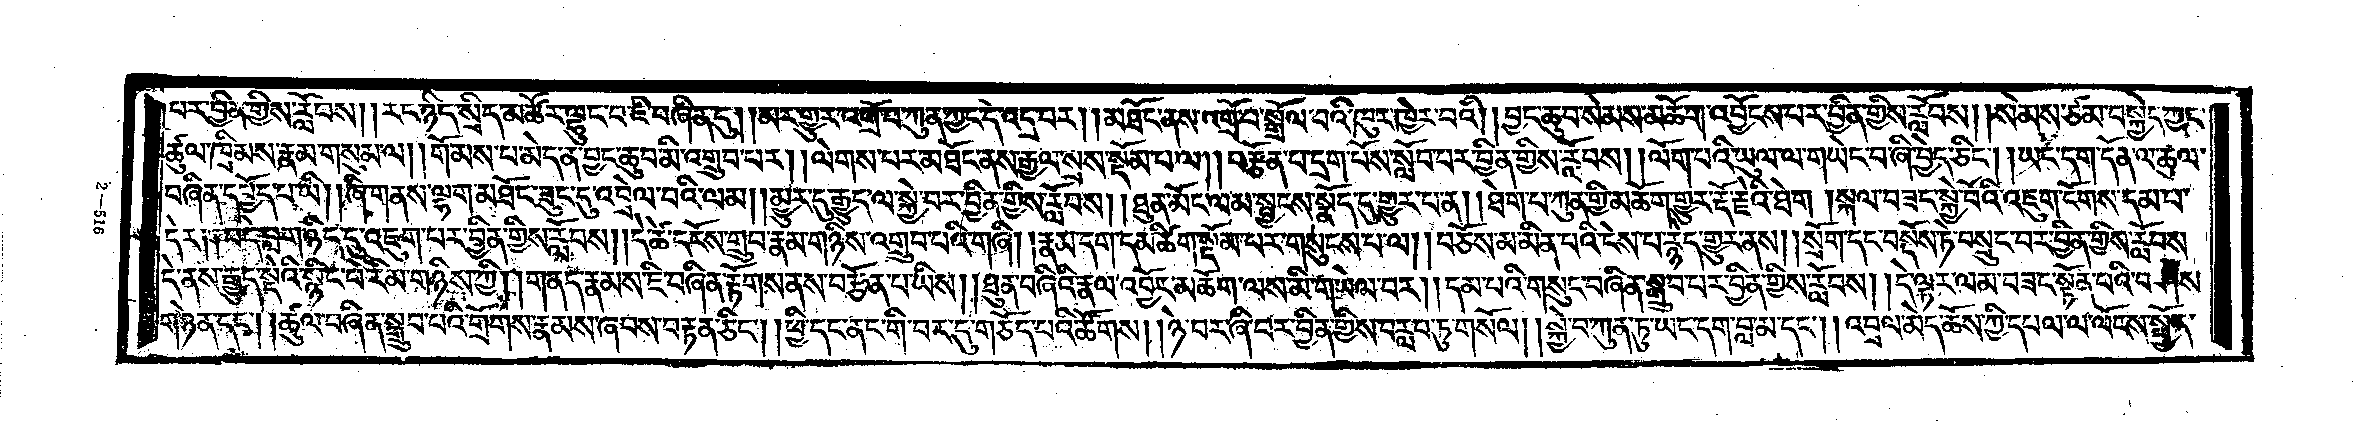པར་བྱིན་གྱིས་རློབས། །རང་ཉིད་སྲིད་མཚོར་ལྷུང་བ་ཇི་བཞིན་དུ། །མར་གྱུར་འགྲོ་བ་ཀུན་ཀྱང་དེ་འདྲ་བར། །མཐོང་ནས་འགྲོ་བ་སྒྲོལ་བའི་ཁུར་ཁྱེར་བའི། །བྱང་ཆུབ་སེམས་མཆོག་འབྱོངས་པར་བྱིན་གྱིས་རློབས། །སེམས་ཙམ་བསྐྱེད་ཀྱང་
ཚུལ་ཁྲིམས་རྣམ་གསུམ་ལ། །གོམས་པ་མེད་ན་བྱང་ཆུབ་མི་འགྲུབ་པར། །ལེགས་པར་མཐོང་ནས་རྒྱལ་སྲས་སྡོམ་པ་ལ། ༑བརྩོན་པ་དྲག་པོས་སློབ་པར་བྱིན་གྱིས་རློབས། །ལོག་པའི་ཡུལ་ལ་གཡེང་བཞི་བྱེད་ཅིང་། །ཡང་དག་དོན་ལ་ཚུལ་
བཞིན་དཔྱོད་པ་ཡི། །ཞི་གནས་ལྷག་མཐོང་ཟུང་དུ་འབྲེལ་བའི་ལམ། །མྱུར་དུ་རྒྱུད་ལ་སྐྱེ་བར་བྱིན་གྱིས་རློབས། །ཐུན་མོང་ལམ་སྦྱངས་སྣོད་དུ་གྱུར་པ་ན། །ཐེག་པ་ཀུན་གྱི་མཆོག་གྱུར་རྡོ་རྗེའི་ཐེག །སྐལ་བཟང་སྐྱེ་བོའི་འཇུག་ངོགས་དམ་པ་
དེར༑ ༑བདེ་བླག་ཉིད་དུ་འཇུག་པར་བྱིན་གྱིས་རློབས། །དེ་ཚེ་དངོས་གྲུབ་རྣམ་གཉིས་འགྲུབ་པའི་གཞི། །རྣམ་དག་དམ་ཚིག་སྡོམ་པར་གསུངས་པ་ལ། །བཅོས་མ་མིན་པའི་ངེས་པ་རྙེད་གྱུར་ནས། །སྲོག་དང་བསྡོས་ཏེ་བསྲུང་བར་བྱིན་གྱིས་རློབས་
དེ་ནས་རྒྱུད་སྡེའི་སྙིང་པོ་རིམ་གཉིས་ཀྱི། །གནད་རྣམས་ཇི་བཞིན་རྟོགས་ནས་བརྩོན་པ་ཡིས། །ཐུན་བཞིའི་རྣལ་འབྱོར་མཆོག་ལས་མི་གཡེལ་བར། །དམ་པའི་གསུང་བཞིན་སྒྲུབ་པར་བྱིན་གྱིས་རློབས། །དེ་ལྟར་ལམ་བཟང་སྟོན་པའི་བཤས་
གཉེན་དང་། །ཚུལ་བཞིན་སྒྲུབ་པའི་གྲོགས་རྣམས་ཞབས་བརྟན་ཅིང་། །ཕྱི་དང་ནང་གི་བར་དུ་གཅོད་པའི་ཚོགས། །ཉེ་བར་ཞི་བར་བྱིན་གྱིས་བརླབ་ཏུ་གསོལ། །སྐྱེ་པ་ཀུན་ཏུ་ཡང་དག་བླ་མ་དང་། །འབྲལ་མེད་ཆོས་ཀྱི་དཔལ་ལ་ལོངས་སྤྱོད་